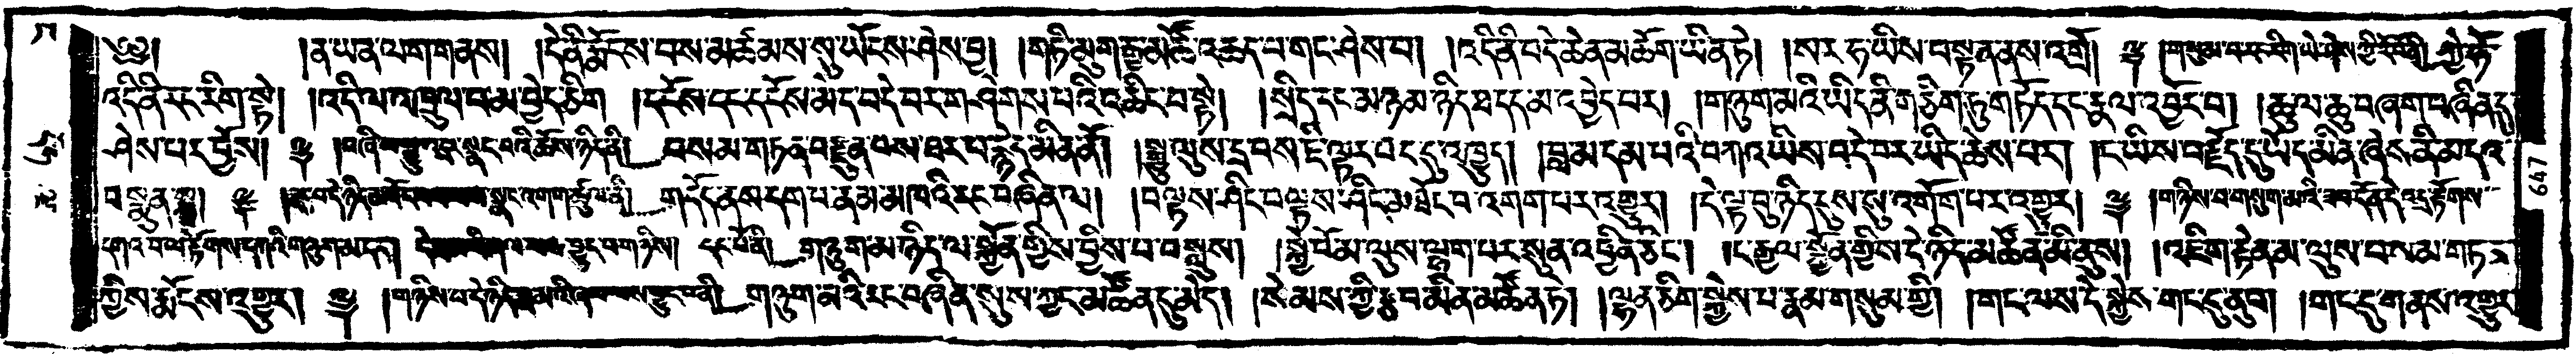༄༅། །ན་ཡན་ལག་གནས། །དེ་ནི་རྨོངས་པས་མཚམས་སུ་ཡོངས་ཤེས་བྱ། །གཏི་མུག་རྒྱ་མཚོ་འཆད་པ་གང་ཤེས་པ། །འདི་ནི་བདེ་ཆེན་མཆོག་ཡིན་ཏེ། །ས་ར་ཧ་ཡིས་བསྟན་ནས་འགྲོ། ༈ །གསུམ་པ་རང་རིག་ཡེ་ཤེས་ཀྱི་ངོ་བོ་ནི། ཀྱེ་ཧོ་
འདི་ནི་རང་རིག་སྟེ། །འདི་ལ་འཁྲུལ་བ་མ་བྱེད་ཅིག །དངོས་དང་དངོས་མེད་བདེ་བར་གཤེགས་པའི་འཆིང་བ་སྟེ། །སྲིད་དང་མཉམ་ཉིད་ཐ་དད་མ་འབྱེད་པར། །གཉུག་མའི་ཡིད་ནི་གཅིག་ཏུ་གཏོད་དང་རྣལ་འབྱོར་བ། །ཆུ་ལ་ཆུ་བཞག་བཞིན་དུ་
ཤེས་པར་བྱོས། ༈ །བཞི་པ་སྒྱུ་འདྲར་སྣང་བའི་ཆོས་ཉིད་ནི། བསམ་གཏན་བརྫུན་པས་ཐར་པ་རྙེད་མིན་ནོ། །སྒྱུ་ལུས་དྲ་བས་ཇི་ལྟར་བང་དུ་འཁྱུད། །བླ་མ་དམ་པའི་བཀའ་ཡིས་བདེ་བར་ཡིད་ཆེས་བར། །ང་ཡིས་བརྗོད་དུ་ཡོད་མིན་ཞེས་ནི་མདའ་
བསྣུན་སྨྲ། ༈ །ལྔ་པ་དེ་ཉིད་མཐོང་བས་ལས་སྣང་འགག་ཚུལ་ནི། གདོད་ནས་དག་པ་ནམ་མཁའི་རང་བཞིན་ལ། །བལྟས་ཤིང་བལྟས་ཤིང་མཐོང་བ་འགག་བར་འགྱུར། །དེ་ལྟ་བུ་ཉིད་དུས་སུ་འགོག་པར་འགྱུར། ༈ །གཉིས་པ་གཉུག་མའི་ཟབ་དོན་དེ་འདྲ་རྟོགས་
དཀའ་བ་ལ་རྟོགས་དཀའི་གཉུག་མ་དང་། དེ་བླ་མའི་ཞལ་ལས་བྱུང་བ་གཉིས། དང་པོ་ནི། གཉུག་མ་ཉིད་ལ་སྐྱོན་གྱིས་བྱིས་པ་བསླུས། །སྐྱེ་བོ་མ་ལུས་ལྷག་པར་སུན་འབྱིན་ཅིང་། །ང་རྒྱལ་སྐྱོན་གྱིས་དེ་ཉིད་མཚོན་མི་ནུས། །འཇིག་རྟེན་མ་ལུས་བསམ་གཏན་
གྱིས་རྨོངས་འགྱུར། ༈ །གཉིས་པ་དེ་ཉིད་ཟླ་མའི་ཞལ་ལས་བྱུང་བ་ནི། གཉུག་མའི་རང་བཞིན་སུས་ཀྱང་མཚོན་དུ་མེད། །སེམས་ཀྱི་རྩ་བ་མིན་མཚོན་ཏེ། །ལྷན་ཅིག་སྐྱེས་པ་རྣམ་གསུམ་གྱི། །གང་ལས་དེ་སྐྱེས་གང་དུ་ནུབ། །གང་དུ་གནས་འགྱུར་